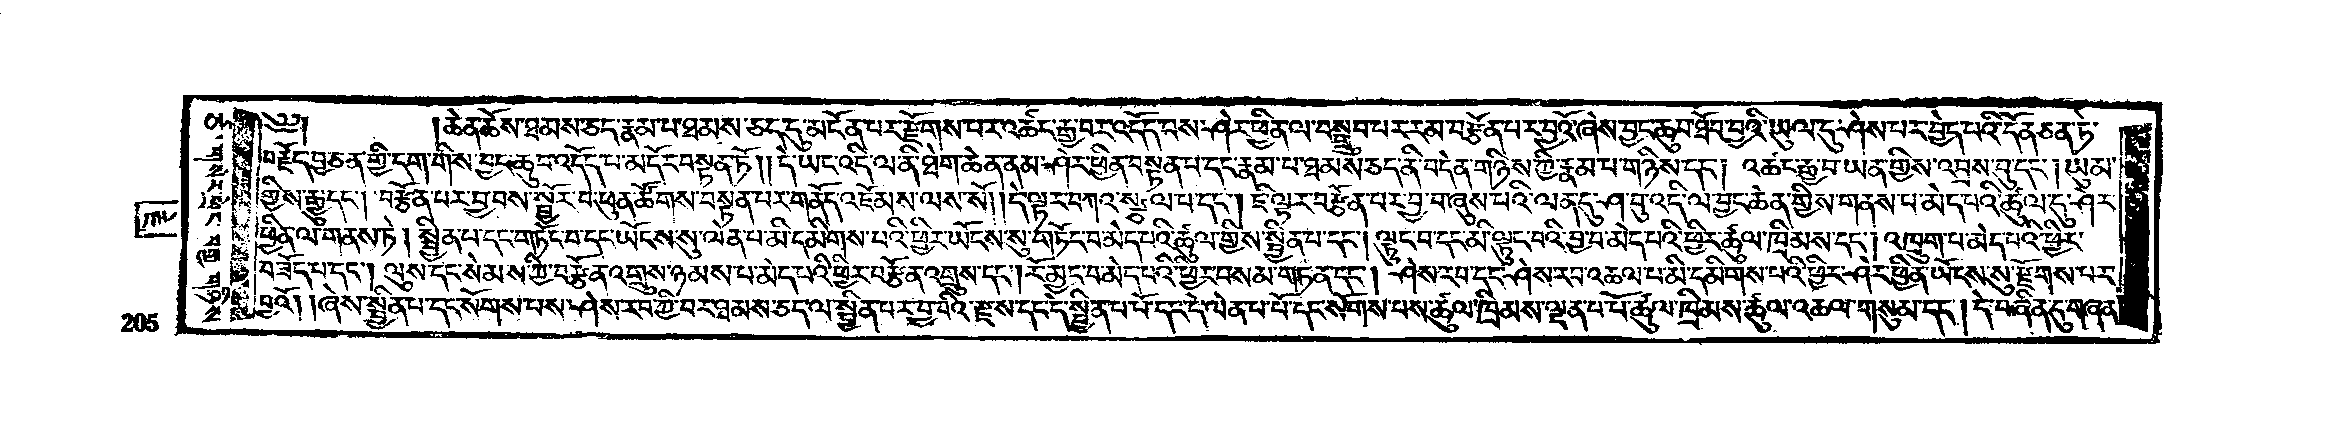༄༅། །ཆེན་ཆོས་ཐམས་ཅད་རྣམ་པ་ཐམས་ཅད་དུ་མངོན་པར་རྫོགས་པར་འཚང་རྒྱ་བར་འདོད་པས་ཤེར་ཕྱིན་ལ་བསྒྲུབ་པར་རམ་བརྩོན་པར་བྱའོ་ཞེས་བྱང་ཆུབ་ཐོབ་བྱའི་ཡུལ་དུ་ཤེས་པར་བྱེད་པའི་དོན་ཅན་ཏེ་
བརྗོད་བྱ་ཅན་གྱི་དག་གིས་བྱང་ཆུབ་འདོད་པ་མདོར་བསྟན་ཏོ། །དེ་ཡང་འདི་ལ་ནི་ཐེག་ཆེན་ནམ་ཤེར་ཕྱིན་བསྟན་པ་དང་རྣམ་པ་ཐམས་ཅད་ནི་བདེན་གཉིས་ཀྱི་རྣམ་པ་གཉིས་དང་། འཚང་རྒྱ་བ་ཡན་གྱིས་འབྲས་བུ་དང་། ཡུམ་
གྱིས་རྒྱུ་དང་། བརྩོན་པར་བྱ་བས་སྦྱོར་བ་ཕུན་ཚོགས་བསྟན་པར་གནོད་འཇོམས་ལས་སོ། །དེ་ལྟར་བཀའ་སྩལ་པ་དང་། ཇི་ལྟར་བརྩོན་པར་བྱ་བ་ཞུས་པའི་ལན་དུ་ཤ་བུ་འདི་ལ་བྱང་ཆེན་གྱིས་གནས་པ་མེད་པའི་ཚུལ་དུ་ཤེར་
ཕྱིན་ལ་གནས་ཏེ། སྦྱིན་པ་དང་གཏོང་བ་དང་ཡོངས་སུ་ལེན་པ་མི་དམིགས་པའི་ཕྱིར་ཡོངས་སུ་གཏོང་བ་མེད་པའི་ཚུལ་གྱིས་སྦྱིན་པ་དང་། ལྟུང་བ་དང་མི་ལྟུང་བའི་བྱ་བ་མེད་པའི་ཕྱིར་ཚུལ་ཁྲིམས་དང་། འཁྲུག་པ་མེད་པའི་ཕྱིར་
བཟོད་པ་དང་། ལུས་དང་སེམས་ཀྱི་བརྩོན་འགྲུས་ཉམས་པ་མེད་པའི་ཕྱིར་བརྩོན་འགྲུས་དང་། རོ་མྱང་བ་མེད་པའི་ཕྱིར་བསམ་གཏན་དང་། ཤེས་རབ་དང་ཤེས་རབ་འཆལ་པ་མི་དམིགས་པའི་ཕྱིར་ཤེར་ཕྱིན་ཡོངས་སུ་རྫོགས་པར་
བྱའོ། །ཞེས་སྦྱིན་པ་དང་སོགས་པས་ཤེས་རབ་ཀྱི་བར་ཐམས་ཅད་ལ་སྦྱིན་པར་བྱ་བའི་རྫས་དང་དེ་སྦྱིན་པ་པོ་དང་དེ་ལེན་པ་པོ་དང་སོགས་པས་ཚུལ་ཁྲིམས་ལྡན་པ་པོ་ཚུལ་ཁྲིམས་ཚུལ་འཆལ་གསུམ་དང་། དེ་བཞིན་དུ་གཞན་